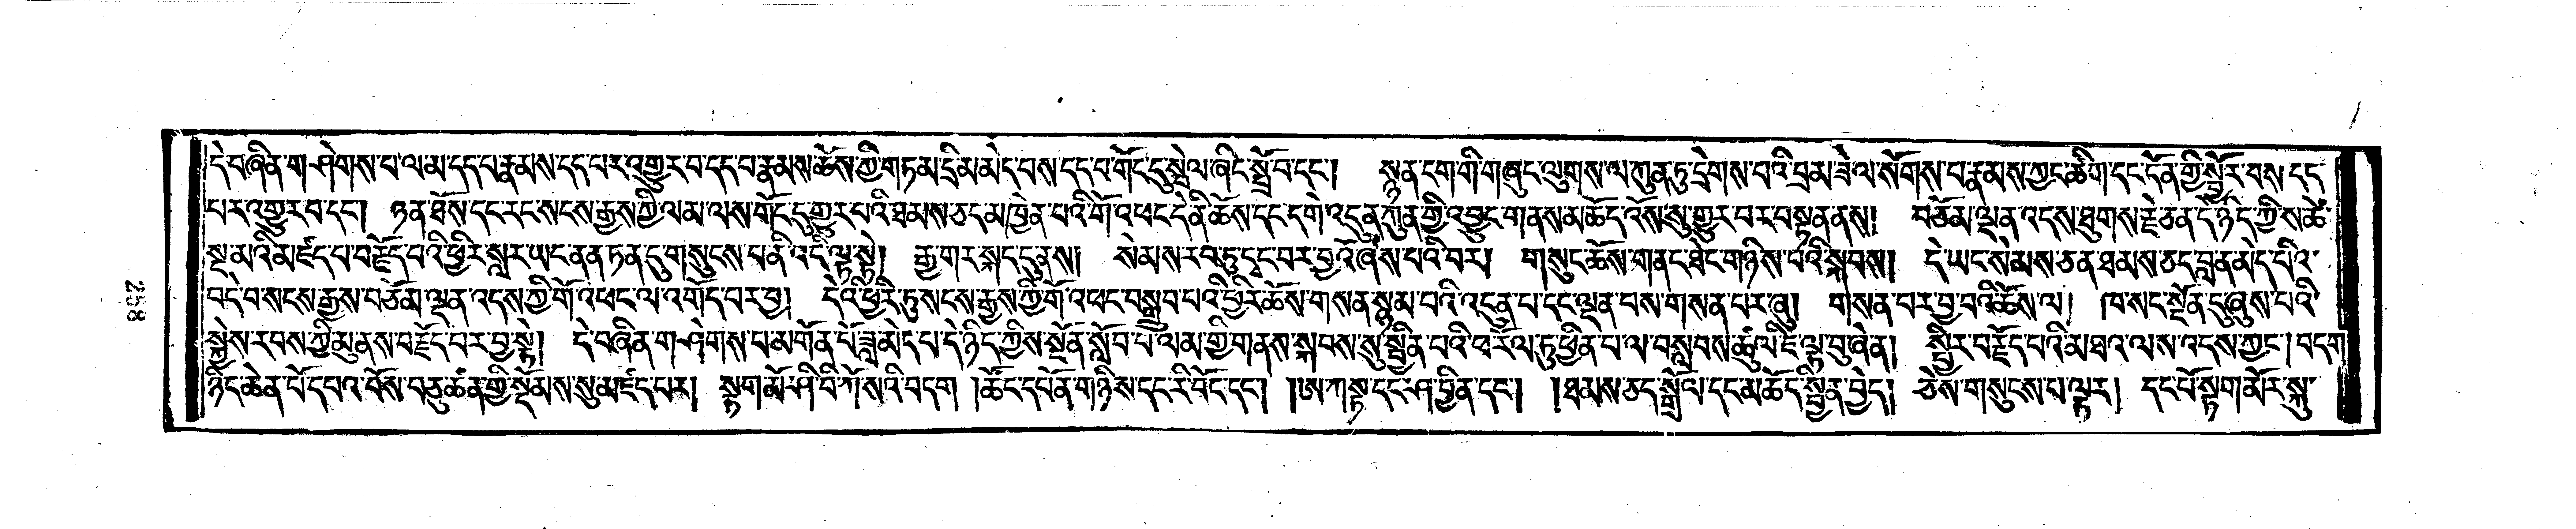དེ་བཞིན་གཤེགས་པ་ལ་མ་དད་པ་རྣམས་དད་པར་འགྱུར་བ་དང་པ་རྣམས་ཆོས་ཀྱི་གཏམ་དྲི་མ་མེད་པས་དད་པ་གོང་དུ་སྤེལ་ཞིང་སྤྲོ་བ་དང་། སྙན་ངག་གི་གཞུང་ལུགས་ལ་ཀུན་ཏུ་དྲེགས་པའི་བྲམ་ཟེ་ལ་སོགས་པ་རྣམས་ཀྱང་ཚིག་དང་དོན་གྱི་སྦྱོར་བས་དད་
པར་འགྱུར་བ་དང་། ཉན་ཐོས་དང་རང་སངས་རྒྱས་ཀྱི་ལམ་ལས་གོང་དུ་གྱུར་པའི་ཐམས་ཅད་མཁྱེན་པའི་གོ་འཕང་དེ་ནི་ཆོས་དང་དགེ་འདུན་ཀུན་གྱི་འབྱུང་གནས་མཆོད་འོས་སུ་གྱུར་བར་བསྟན་ནས། བཅོམ་ལྡན་འདས་ཐུགས་རྗེ་ཅན་དེ་ཉིད་ཀྱི་ས་ཚེ་
སྔ་མའི་མཛད་པ་བརྗོད་པའི་ཕྱིར་སླར་ཡང་ནན་ཏན་དུ་གསུངས་པ་ནི་འདི་ལྟ་སྟེ། རྒྱ་གར་སྐད་དུ་ནས། སེམས་རབ་ཏུ་དྭང་བར་བྱའོ་ཞེས་པའི་བར། གསུང་ཆོས་གནང་ཐེང་གཉིས་པའི་སྐབས། དེ་ཡང་སེམས་ཅན་ཐམས་ཅད་བླ་ན་མེད་པའི་
བདེ་བ་སངས་རྒྱས་བཅོམ་ལྡན་འདས་ཀྱི་གོ་འཕང་ལ་འགོད་པར་བྱ། དེའི་ཕྱིར་ཏུ་སངས་རྒྱས་ཀྱི་གོ་འཕང་བསྒྲུབ་པའི་ཕྱིར་ཆོས་གསན་སྙམ་པའི་འདུན་པ་དང་ལྡན་པས་གསན་པར་ཞུ། གསན་པར་བྱ་བའི་ཆོས་ལ། ཁ་སང་སྔོན་དུ་ཞུས་པའི་
སྐྱེས་རབས་ཀྱི་མུ་ནས་བརྗོད་པར་བྱ་སྟེ། དེ་བཞིན་གཤེགས་པ་མགོན་པོ་ཟླ་མེད་པ་དེ་ཉིད་ཀྱིས་སྔོན་སློབ་པ་ལམ་གྱི་གནས་སྐབས་སུ་སྦྱིན་པའི་ཕ་རོལ་ཏུ་ཕྱིན་པ་ལ་བསླབས་ཚུལ་ཇི་ལྟ་བུ་ཞེ་ན། སྦྱིར་བརྗོད་པའི་མཐའ་ལས་འདས་ཀྱང་། བདག་
ཉིད་ཆེན་པོ་དཔའ་བོས་བཅུ་ཚན་གྱི་སྡོམས་སུ་མཛད་པར། སྟག་མོ་ཤི་པི་ཀོ་སའི་བདག །ཚོང་དཔོན་གཉིས་དང་རི་བོང་དང་། །ཨ་ཀསྟ་དང་ཤ་བྱིན་དང་། །ཐམས་ཅད་སྒྲོལ་དང་མཆོད་སྦྱིན་བྱེད། ཅེས་གསུངས་པ་ལྟར། དང་པོ་སྟག་མོར་སྐུ་